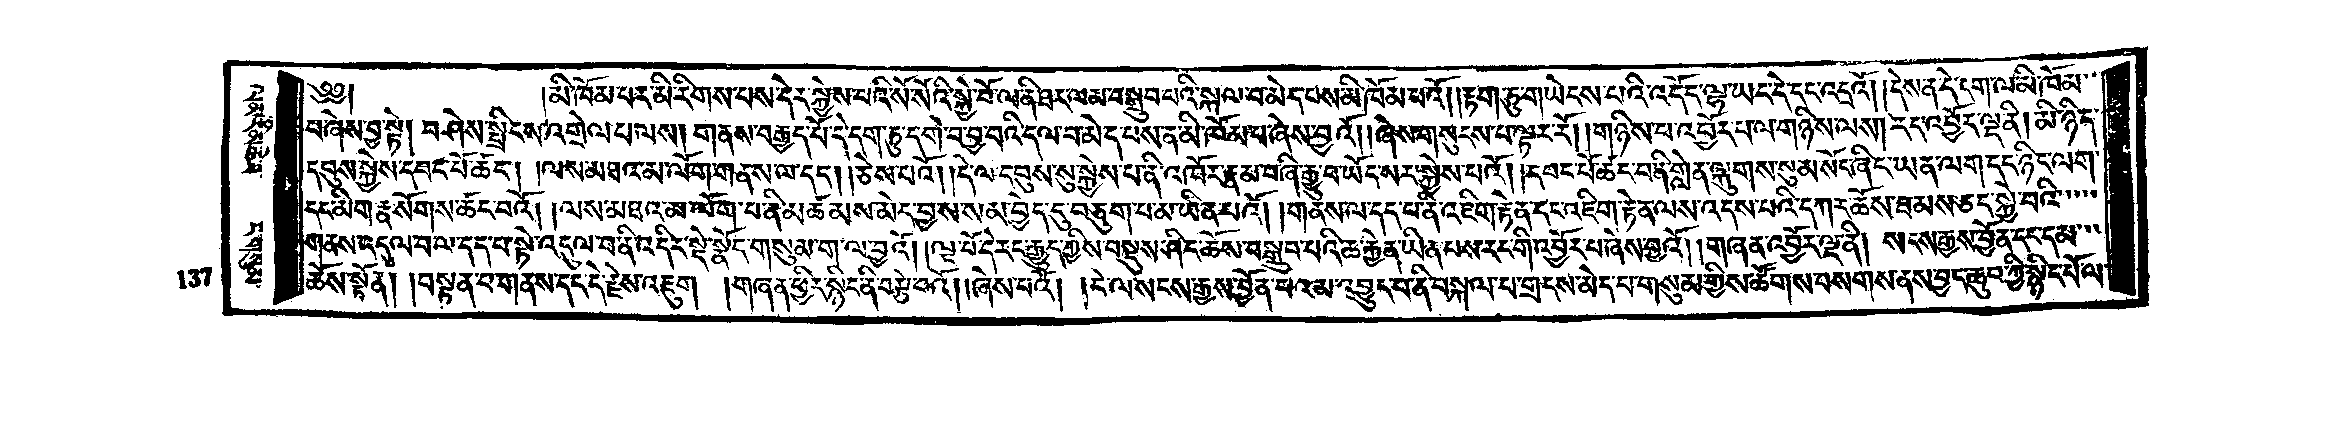༄༅། །མི་ཁོམ་པར་མི་རིགས་པས་དེར་སྐྱེས་པའི་སོ་སོའི་སྐྱེ་བོ་ལ་ནི་ཐར་ལམ་བསྒྲུབ་པའི་སྐལ་བ་མེད་པས་མི་ཁོམ་པའོ། །རྟག་ཏུ་གཡེངས་པའི་འདོད་ལྷ་ཡང་དེ་དང་འདྲའོ། །དེས་ན་དེ་དག་ལ་མི་ཁོམ་
པ་ཞེས་བྱ་སྟེ། བཤེས་སྤྲིངས་འགྲེལ་པ་ལས། གནས་བརྒྱད་པོ་དེ་དག་ཏུ་དགེ་བ་བྱ་བའི་དལ་བ་མེད་པས་ན་མི་ཁོམ་པ་ཞེས་བྱའོ། །ཞེས་གསུངས་པ་ལྟར་རོ། །གཉིས་པ་འབྱོར་པ་ལ་གཉིས་ལས། རང་འབྱོར་ལྔ་ནི། མི་ཉིད་
དབུས་སྐྱེས་དབང་པོ་ཚང་། །ལས་མཐའ་མ་ལོག་གནས་ལ་དད། །ཅེས་པའོ། །དེ་ལ་དབུས་སུ་སྐྱེས་པ་ནི་འཁོར་རྣམ་བཞི་རྒྱུ་བ་ཡོད་སར་སྐྱེས་པའོ། །དབང་པོ་ཚང་བ་ནི་གླེན་ལྐུགས་སུམ་སོང་ཞིང་ཡན་ལག་དང་ཉིང་ལག་
དང་མིག་རྣ་སོགས་ཚང་བའོ། །ལས་མཐའ་མ་ལོག་པ་ནི་མཚམས་མེད་བྱས་སམ་བྱེད་དུ་བཅུག་པ་མ་ཡིན་པའོ། །གནས་ལ་དད་པ་ནི་འཇིག་རྟེན་དང་འཇིག་རྟེན་ལས་འདས་པའི་དཀར་ཆོས་ཐམས་ཅད་སྐྱེ་བའི་
གནས་འདུལ་བ་ལ་དད་པ་སྟེ་འདུལ་བ་ནི་འདིར་སྡེ་སྣོད་གསུམ་ག་ལ་བྱའོ། །ལྔ་པོ་དེ་རང་རྒྱུད་ཀྱིས་བསྡུས་ཤིང་ཆོས་བསྒྲུབ་པའི་ཆ་རྐྱེན་ཡིན་པས་རང་གི་འབྱོར་པ་ཞེས་བྱའོ། །གཞན་འབྱོར་ལྔ་ནི། སངས་རྒྱས་བྱོན་དང་དམ་
ཆོས་སྟོན། །བསྟན་པ་གནས་དང་དེ་རྗེས་འཇུག །གཞན་ཕྱིར་སྙིང་ནི་བརྩེ་བའོ། །ཞེས་པའོ། །དེ་ལ་སངས་རྒྱས་བྱོན་པའམ་འབྱུང་བ་ནི་བསྐལ་པ་གྲངས་མེད་པ་གསུམ་གྱིས་ཚོགས་བསགས་ནས་བྱང་ཆུབ་ཀྱི་སྙིང་པོ་ལ་